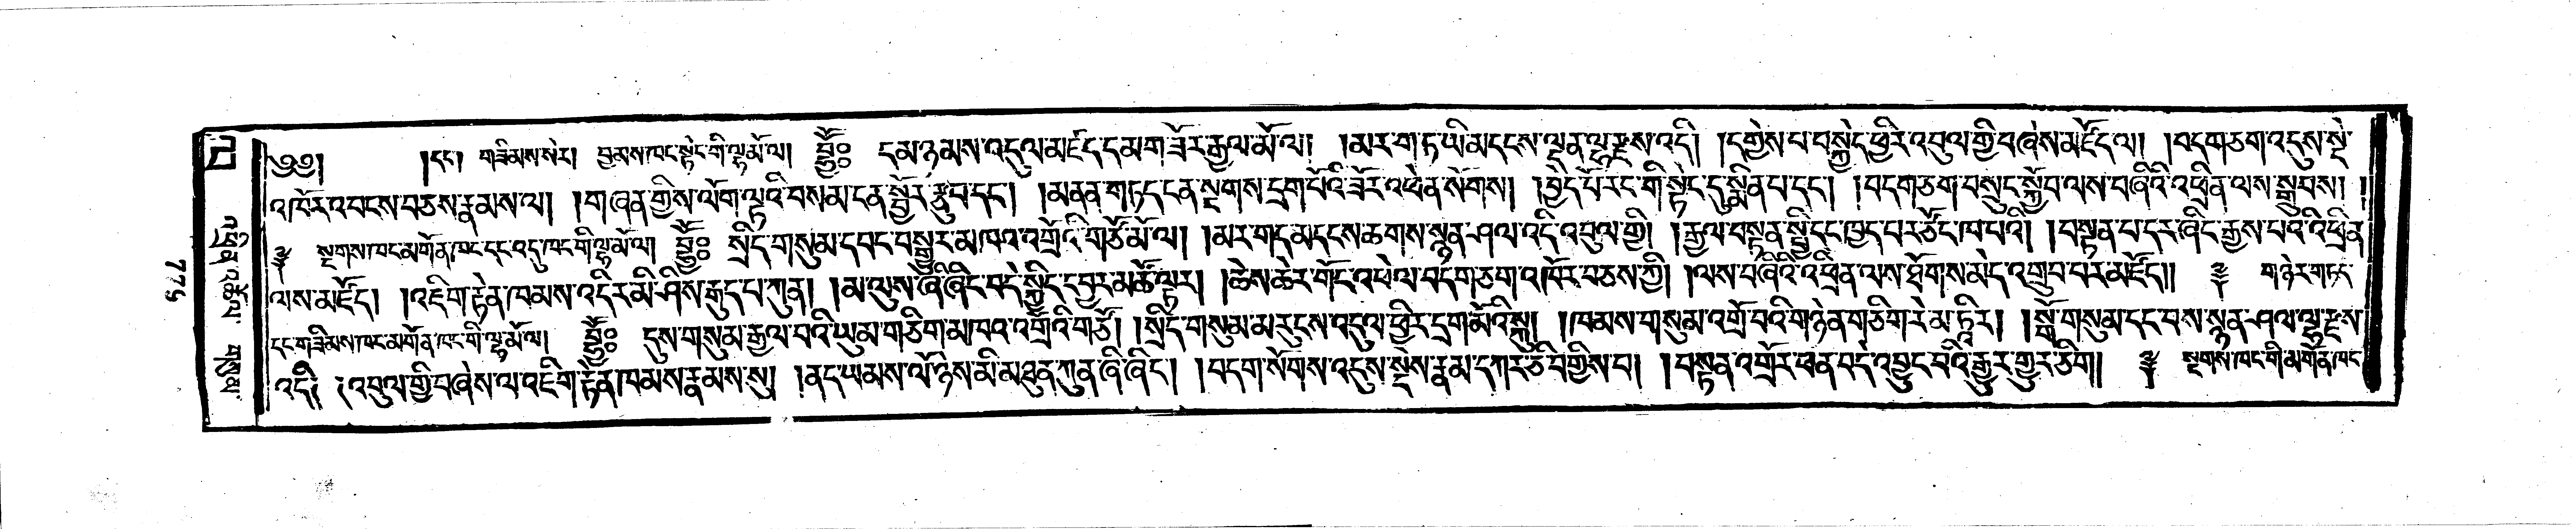༄༅། །དང་། གཟིམས་སེར། བྱམས་ཁང་སྟེང་གི་ལྷ་མོ་ལ། བྷྱཽཿ དམ་ཉམས་འདུལ་མཛད་དམག་ཟོར་རྒྱལ་མོ་ལ། །མར་ག་ཏ་ཡི་མདངས་ལྡན་ལྷ་རྫས་འདི། །དགྱེས་པ་བསྐྱེད་ཕྱིར་འབུལ་གྱི་བཞེས་མཛོད་ལ། །བདག་ཅག་འདུས་སྡེ་
འཁོར་འབངས་བཅས་རྣམས་ལ། །གཞན་གྱིས་ལོག་ལྟའི་བསམ་ངན་སྦྱོར་རྩུབ་དང་། །མནན་གཏད་ངན་སྔགས་དྲག་པོའི་ཟོར་འཕེན་སོགས། །བྱེད་པོ་རང་གི་སྟེང་དུ་སྨིན་པ་དང་། །བདག་ཅག་བསྲུང་སྐྱོབ་ལས་བཞིའི་འཕྲིན་ལས་སྒྲུབས།།
༈ སྔགས་ཁང་མགོན་ཁང་དང་འདུ་ཁང་གི་ལྷ་མོ་ལ། བྷྱཽཿ སྲིད་གསུམ་དབང་བསྒྱུར་མཁའ་འགྲོའི་གཙོ་མོ་ལ། །མར་གད་མདངས་ཆགས་སྙན་ཤལ་འདི་འབུལ་གྱི། །རྒྱལ་བསྟན་སྤྱི་དང་ཁྱད་པར་ཙོང་ཁ་པའི། །བསྟན་པ་དར་ཞིང་རྒྱས་པའི་འཕྲིན་
ལས་མཛོད། །འཇིག་རྟེན་ཁམས་འདིར་མི་ཤིས་རྒུད་པ་ཀུན། །མ་ལུས་ཞི་ཞིང་བདེ་སྐྱིད་དབྱར་མཚོ་ལྟར། །ཆེས་ཆེར་གོང་འཕེལ་བདག་ཅག་འཁོར་བཅས་ཀྱི། །ལས་བཞིའི་འཕྲིན་ལས་ཐོགས་མེད་འགྲུབ་པར་མཛོད།། ༈ གཉེར་གཏད་
དང་གཟིམས་ཁང་མགོན་ཁང་གི་ལྷ་མོ་ལ། བྷྱཽཿ དུས་གསུམ་རྒྱལ་བའི་ཡུམ་གཅིག་མཁའ་འགྲོའི་གཙོ། །སྲིད་གསུམ་མ་རུངས་འདུལ་ཕྱིར་དྲག་མོའི་སྐུ། །ཁམས་གསུམ་འགྲོ་བའི་གཉེན་གཅིག་རེ་མ་ཏཱིར། །སྒོ་གསུམ་དང་བས་སྙན་ཤལ་ལྷ་རྫས་
འདི༑ ༑འབུལ་གྱི་བཞེས་ལ་འཇིག་རྟེན་ཁམས་རྣམས་སུ། །ནད་ཡམས་ལོ་ཉེས་མི་མཐུན་ཀུན་ཞི་ཞིང་། །བདག་སོགས་འདུས་སྡེས་རྣམ་དཀར་ཅི་བགྱིས་བ། །བསྟན་འགྲོར་ཕན་བདེ་འབྱུང་བའི་རྒྱུར་གྱུར་ཅིག། ༈ སྔགས་ཁང་གི་མགོན་ཁང་